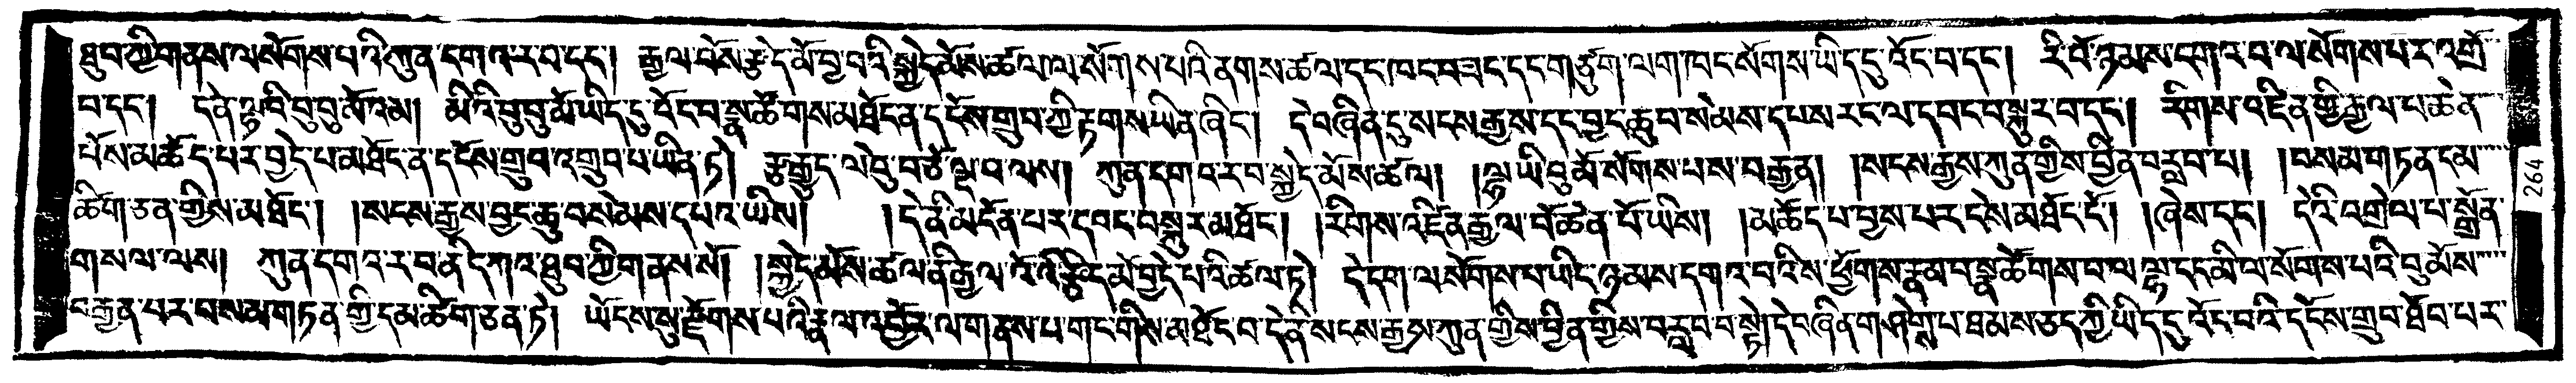ཐུབ་ཀྱི་གནས་ལ་སོགས་པའི་ཀུན་དགའ་ར་བ་དང་། རྒྱལ་པོས་རྩེད་མོ་བྱ་བའི་སྐྱེད་མོས་ཚལ་ལ་སོགས་པའི་ནགས་ཚལ་དང་ཁང་བཟང་དང་གཙུག་ལག་ཁང་སོགས་ཡིད་དུ་འོང་བ་དང་། རི་བོ་ཉམས་དགའ་བ་ལ་སོགས་པར་འགྲོ་
བ་དང་། དེ་ན་ལྷའི་བུ་བུ་མོ་འམ། མིའི་བུ་བུ་མོ་ཡིད་དུ་འོང་བ་སྣ་ཚོགས་མཐོང་ན་དངོས་གྲུབ་ཀྱི་རྟགས་ཡིན་ཞིང་། དེ་བཞིན་དུ་སངས་རྒྱས་དང་བྱང་ཆུབ་སེམས་དཔས་རང་ལ་དབང་བསྐུར་བ་དང་། རིགས་འཛིན་གྱི་རྒྱལ་པ་ཆེན་
པོས་མཆོད་པར་བྱེད་པ་མཐོང་ན་དངོས་གྲུབ་འགྲུབ་པ་ཡིན་ཏེ། རྩ་རྒྱུད་ལེའུ་བཅོ་ལྔ་བ་ལས། ཀུན་དགའ་ར་བ་སྐྱེད་མོས་ཚལ། །ལྷ་ཡི་བུ་མོ་སོགས་པས་བརྒྱན། །སངས་རྒྱས་ཀུན་གྱིས་བྱིན་བརླབ་པ། །བསམ་གཏན་དམ་
ཚིག་ཅན་གྱིས་མཐོང་། །སངས་རྒྱས་བྱང་ཆུབ་སེམས་དཔའ་ཡིས། །དེ་ནི་མངོན་པར་དབང་བསྐུར་མཐོང་། །རིགས་འཛིན་རྒྱལ་པོ་ཆེན་པོ་ཡིས། །མཆོད་པ་བྱས་པར་ངེས་མཐོང་ངོ། །ཞེས་དང་། དེའི་འགྲེལ་པ་སྒྲོན་
གསལ་ལས། ཀུན་དགའ་ར་བ་ནི་དཀའ་ཐུབ་ཀྱི་གནས་སོ། །སྐྱེད་མོས་ཚལ་ནི་རྒྱལ་འོ་འི་རྩིད་མོ་བྱེད་པའི་ཚལ་ཏེ། དེ་དག་ལ་སོགས་པ་ཡིད་ཉམས་དགའ་བའི་ས་ཕྱོགས་རྣམ་པ་སྣ་ཚོགས་པ་ལ་ལྷ་དང་མི་ལ་སོགས་པའི་བུ་མོས་
བརྒྱན་པར་བསམ་གཏན་གྱི་དམ་ཚིག་ཅན་ཏེ། ཡོངས་སུ་རྫོགས་པའི་རྣལ་འབྱོར་ལ་གནས་པ་གང་གིས་མཐོང་བ་དེ་ནི་སངས་རྒྱས་ཀུན་གྱིས་བྱིན་གྱིས་བརླབ་བ་སྟེ། དེ་བཞིན་གཤེགས་པ་ཐམས་ཅད་ཀྱི་ཡིད་དུ་འོང་བའི་དངོས་གྲུབ་ཐོབ་པར་